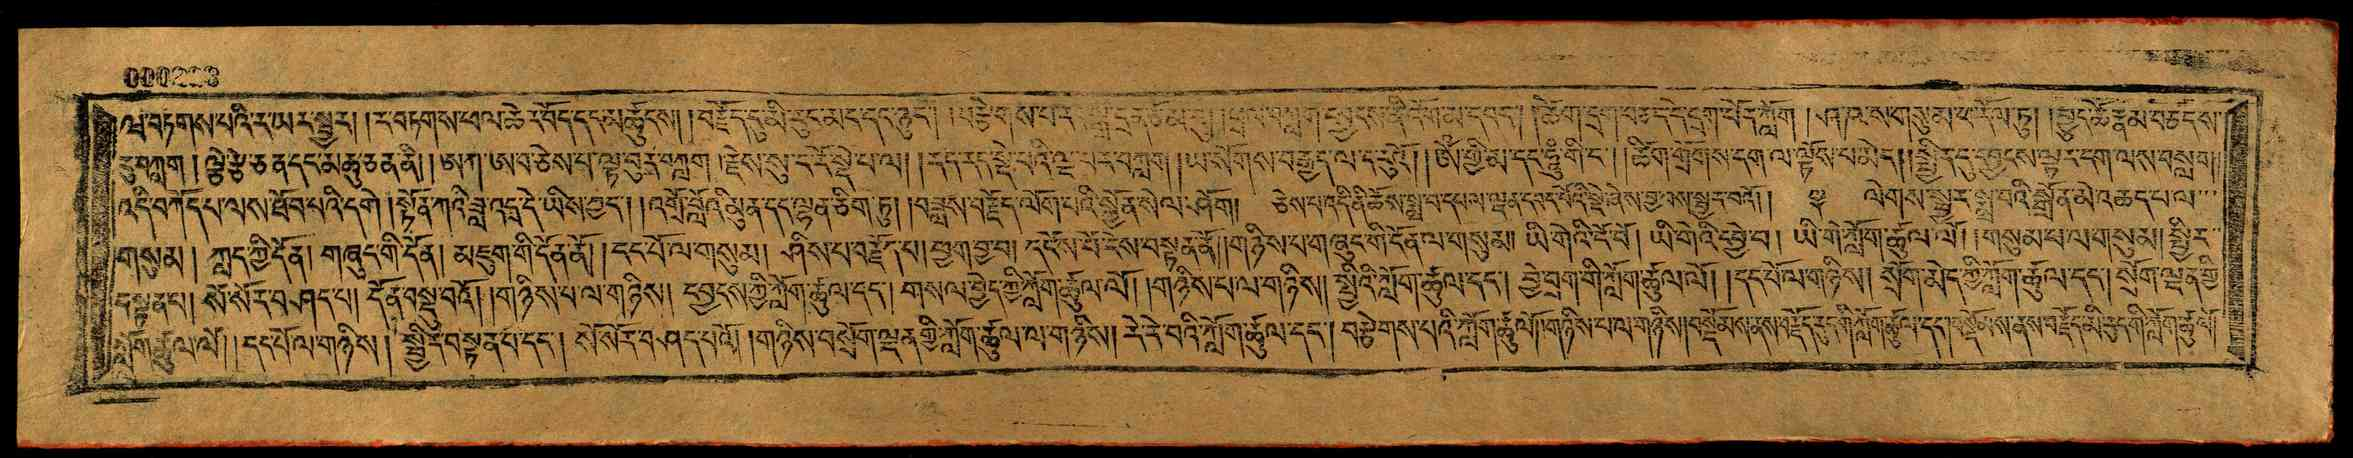ལྦ་བཏགས་པའི་ར་ཡར་སྦྱར། །ར་བཏགས་ཕལ་ཆེར་བོད་དང་མཚུངས། །བརྗོད་དུ་མི་རུང་མང་དང་ཉུང་། །བརྩེགས་པ་རང་སྔ་དྲན་ཙམ་དུ། །ཕྲལ་བཀླག་དབྱངས་ནི་འོག་མ་དབང་། །ཚེག་དྲུག་བཅད་དེ་དག་པོར་ཀློག། ཤ་ཥ་ས་གསུམ་ཕ་རོལ་ཏུ། །བྱུང་ཚེ་རྣམ་བཅད་ས་
རུ་བཀླག །ལྕེ་རྩེ་ཅན་དང་མཆུ་ཅན་ནི། །ཨ་ཀ་ཨབ་ཅེས་པ་ལྟ་བུར་བཀླག །རྗེས་སུ་ང་རོལ་སྡེ་པ་ལ། །རང་དང་སྡེ་པའི་ལྔ་པར་བཀླག །ཡ་སོགས་བརྒྱད་ལ་ང་རུའོ། །ཨོཾ་གྱི་མ་དང་ཧཱུཾ་གི་ང་། །ཚིག་གྲོགས་དག་ལ་ལྟོས་པ་མེད། །སྦྱིར་དུ་དབྱངས་ལྟ་དག་ལས་བསླབ། །
འདི་བཀོད་པ་ལས་ཐོབ་པའི་དགེ། །སྟོན་ཀའི་ཟླ་འདྲ་དེ་ཡིས་ཀྱང་། །འགྲོ་བློར་མུན་དང་ལྷན་ཅིག་ཏུ། །བཟླས་བརྗོད་ལོག་པའི་སྐྱོན་སལ་ཤོག། ཅེས་པ་འདི་ནི་ཆོས་སྤྲེ་བ་དཔལ་ལྡན་དབང་པོའི་སྡེ་ཞེས་བྱ་བས་སྦྱར་བའོ།། འླེགས་སྦྱར་སྨྲ་བའི་སྒྲོན་མེད་འཆང་པ་ལ་
གསུམ། ཀླད་ཀྱི་དོན། །གཞུང་གི་དོན་།མཇུག་གི་དོན་ནོ། །དང་པོ་ལ་གསུ། །ཤེས་པ་བརྗོད་པ། ཕྱག་བྱ་བ། །དངོས་པོ་ངས་བསྟན་ནོ། །གཉིས་པ་གཞུང་གི་དོན་ལ་གསུམ། ཡི་གེའི་ངོ་བོ། །ཡི་གེའི་དབྱེ་བ་།ཡི་གེ་ཀློག་ཚལ་ལོ། །གསུམ་པ་ལ་གསུམ་སྦྱིར་
བསྟན་པ། སོ་སོར་བཤད་པ། དོན་བསྡུ་བའོ། །གཉིས་པ་ལ་གཉིས། །དབྱངས་ཀྱི་ཀློག་ཚུལ་དང་། གསལ་བྱེད་ཀྱི་ཀློག་ཚུལ་ལོ། །གཉིས་པ་ལ་གཉིས། །སྤྱིའི་ཀློག་ཚུལ་དང་། བྱེ་བྲག་གི་ཀློག་ཚུལ་ལོ། །དང་པོ་ལ་གཉིས། །སྲོག་མེད་ཀྱི་ཀློག་ཚུལ་དང་། སྲོག་ལྡན་གྱི་
ཀློག་ཚུལ་ལོ། །དང་པོ་ལ་གཉིས། སྤྱིར་བསྟན་པ་དང་། སོ་སོར་བཤད་པའོ། །གཉིས་པ་སྲོག་ལྡན་གྱི་ཀློག་ཚུལ་ལ་གཉིས། །རེ་རེ་བའི་ཀློག་ཚུལ་དང་། བརྩེགས་པའི་ཀློག་ཚུལ་ལོ། །གཉིས་པ་ལ་གཉིས། བསྡོམས་ནས་བརྗོད་རུང་གི་ཀློག་ཚུལ་དང་། བསྡོམས་ནས་བརྗོད་མི་རུང་གི་ཀློག་ཚུ་ལོ་